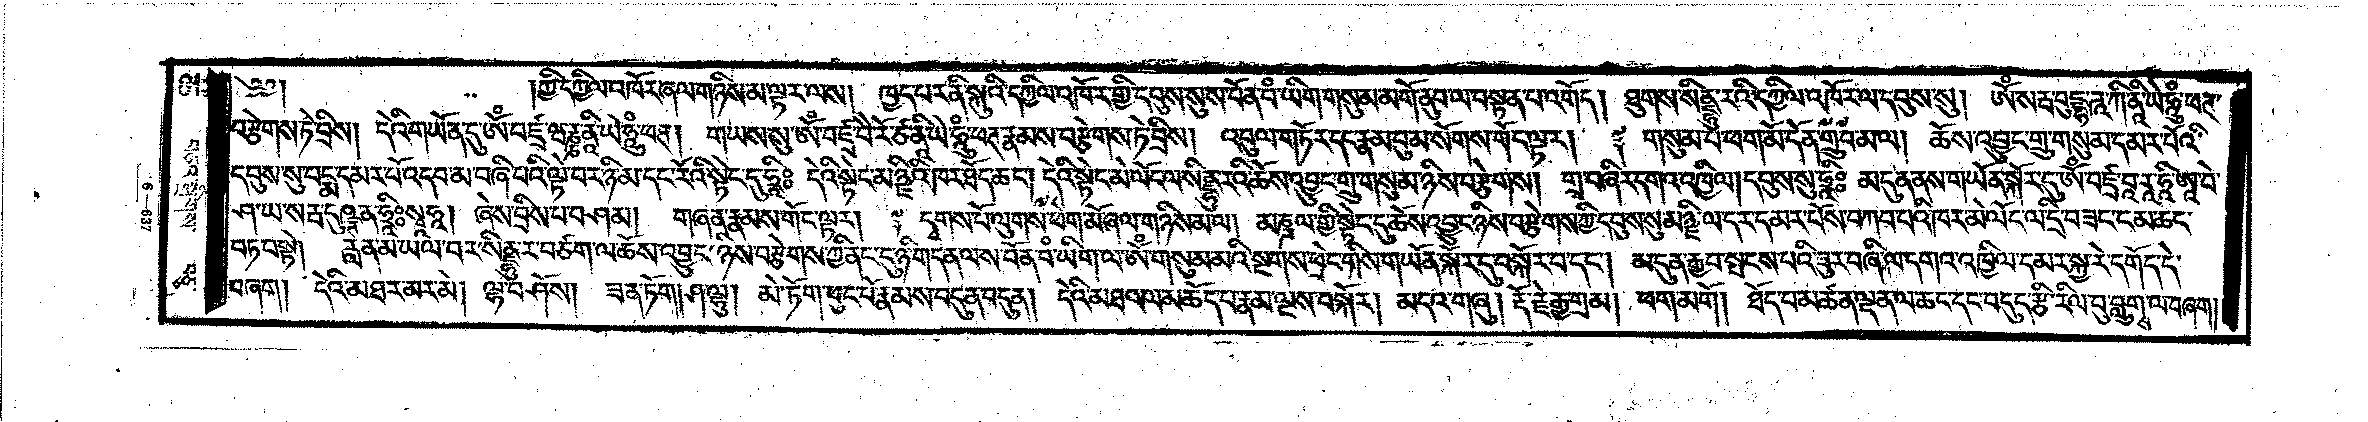༄༅། །ཀྱི་དཀྱིལ་འཁོར་ཞལ་གཉིས་མ་ལྟར་ལས། ཁྱད་པར་ནི་སྐུའི་དཀྱིལ་འཁོར་གྱི་དབུས་སུ་ས་བོན་བཾ་ཡིག་གསུམ་མགོ་ནུབ་ལ་བསྟན་པ་འགོད། ཐུགས་སིནྡྷུ་རའི་དཀྱིལ་དབུས་སུ། ཨོཾ་སརྦ་བུདྡྷ་ཌཱ་ཀི་ནཱི་ཡེ་ཧཱུཾ་ཕཊ་
བརྩེགས་ཏེ་བྲིས། དེའི་གཡོན་དུ་ཨོཾ་བཛྲ་ཝཌྞྞ་ནཱི་ཡེ་ཧཱུཾ་ཕཊ། གཡས་སུ་ཨོཾ་བཛྲ་བཻ་རོ་ཙ་ནཱི་ཡེ་ཧཱུཾ་ཕཊ་རྣམས་བརྩེགས་ཏེ་བྲིས། འབུལ་གཏོར་དང་རྣམ་བུམ་སོགས་གོང་ལར། ༈ གསུམ་པ་ཕག་མོ་དོན་གྲུབ་མ་ལ། ཆོས་འབྱུང་གྲུ་གསུམ་དམར་པོའི་
དབུས་སུ་པདམ་དམར་པོ་འདབ་མ་བཞི་བའི་ལྟེ་བར་ཉི་མ་དང་རོའི་སྟེང་དུ་ཧྲཱིཿ དེའི་སྟེང་མཉྫིའི་ཁར་ཐོད་ཆང་། དེའི་སྟེང་མེ་ལོང་ལ་སིནྡྷུ་རའི་ཆོས་འབྱུང་གྲུ་གསུམ་ཉིས་བརྩེགས། གྲྭ་བཞི་དགའ་འཁྱིལ། དབུས་སུ་ཧྲཱིཿ མདུན་ནས་གཡོན་སྐོར་དུ་ཨོཾ་བཛྲ་བཱ་རཱ་ཧཱི་ཨཱ་བེ་
ཤ་ཡ་སརྦ་དུ་ཥྚ་ན་ཧྲཱིཿ སྭཧཱ། ཞེས་བྲིས་པ་བཤམ། གཞན་རྣམས་གོང་ལྟར། ༈ དྭགས་པོ་ལུགས་ཕག་མོ་ཞལ་གཉིས་མ་ལ། མཎྜལ་གྱི་སྟེང་དུ་ཆོས་འབྱུང་ཉིས་བརྩེགས་ཀྱི་དབུས་སུ་མཉྫི་ལ་དར་དམར་པོས་བཀབ་བའི་ཁར་མེ་ལོང་ལ་དྲི་བཟང་ངམ་ཆང་
བཏབ་སྟེ། རླན་མ་ཡལ་བར་སིནྡྷུ་ར་བཙག་ལ་ཆོས་འབྱུང་ཉིས་བརྩེགས་ཀྱི་ནང་དུ་ཉི་གདན་ལ་ས་བོན་བཾ་ཡིག་ལ་ཨོཾ་གསུམ་མའི་སྔགས་ཕྲེང་གིས་གཡོན་སྐོར་དུ་བསྐོར་བ་དང་། མདུན་རྒྱབ་སྤངས་པའི་ཟུར་བཞི་ལ་དགའ་འཁྱིལ་དམར་སྐྱ་རེ་དགོད་དེ་
བཞག། དེའི་མཐར་མར་མེ། ལྷ་བ་ཤོས། ཟན་ཏོག། ཤ་ལྷུ། མེ་ཏོག་ཕུང་པོ་རྣམས་བདུན་བདུན། དེའི་མཐའ་ལ་མཆོད་པ་རྣམ་ལྔས་བསྐོར། མདའ་གཞུ། རྡོ་རྗེ་རྒྱ་གྲམ། ཕག་མགོ། ཐོད་པ་མཚན་ལྡན་ལ་ཆང་དང་བདུད་རྩི་རིལ་བུ་བླུགས་ལ་བཞག །